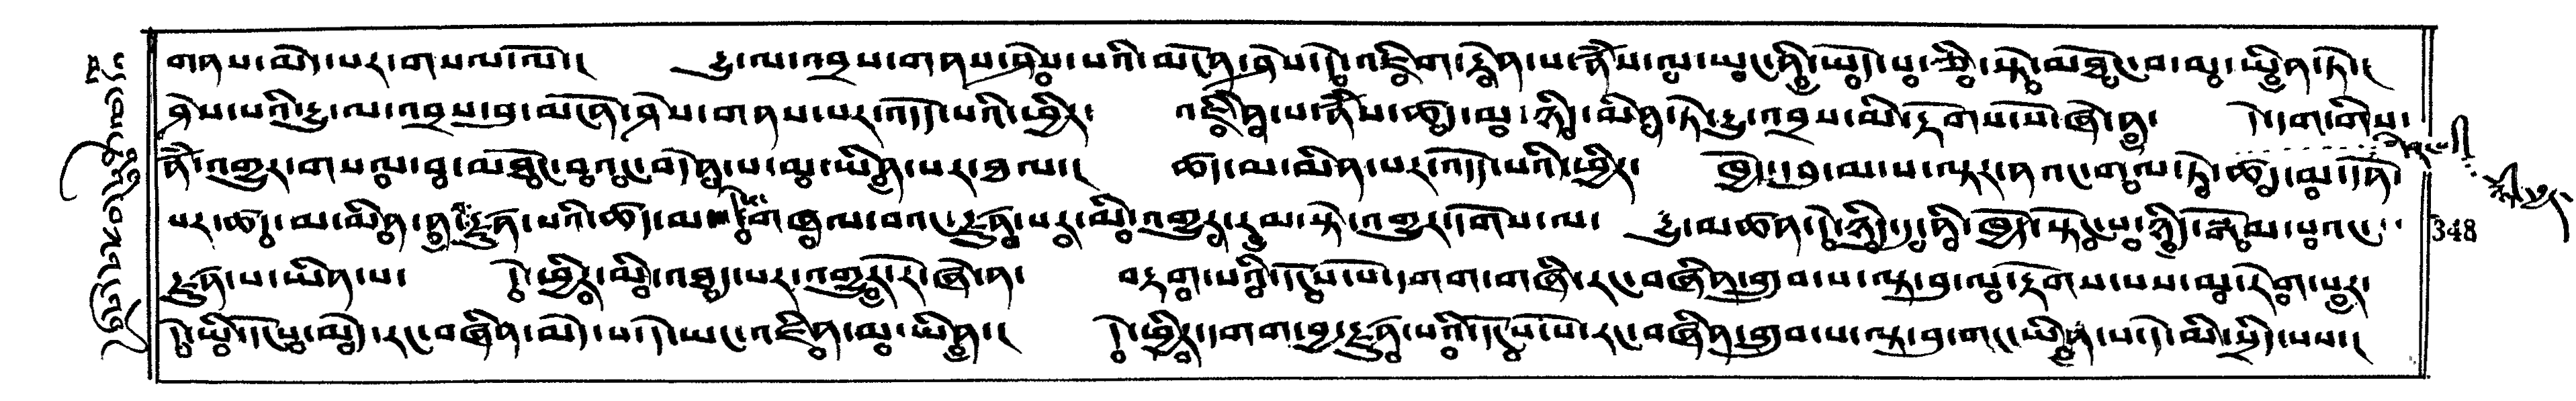གནས་མེད་པར་གསལ་ལོ།། རྒྱུ་ལ་འབྲས་གནས་ཤེས་པའི་མངོན་ཤེས་དེ་འཇིག་རྟེན་པ་རྣམས་ལ་ཡང་ནི་ཡོད་པ་ཅི་སྟེ་མཐོང་བ་མ་ཡིན་ཏེ། 
ཤེས་པའི་རྒྱུ་ལ་འབྲས་བུ་མངོན་ཤེས་གནས་པར་འདོད་པའི་ཕྱིར། འཇིག་རྟེན་པ་རྣམས་ཚད་མ་ཉིད་མིན་ཏེ་རྒྱུ་འབྲས་མི་རྟོགས་སོ་ཞེ་ན། དེ་དག་གིས་
རྣམ་འགྱུར་གསལ་བ་མཐོང་བའང་བདེན་པ་མ་ཡིན་པར་ཐལ། ཚད་མ་མིན་པར་འདོད་པའི་ཕྱིར། ཁྱོད་དབུ་མ་པ་ལྟར་ནའང་གལ་ཏེ་ཚད་མ་བདེན་
པར་ཚད་མ་མིན་ན་རྫུན་པའི་ཚད་མ་དེས་གཞལ་བའང་རྫུན་པར་མི་འགྱུར་རམ་སྟེ་འགྱུར་དགོས་ལ། རྒྱུ་མཚན་དེ་ཉིད་དུ་ནི་ཁྱོད་སྟོང་པ་ཉིད་སྒོམ་པའང་
རྫུན་པ་ཡིན་པ། དེ་ཕྱིར་མི་འཐད་པར་འགྱུར་རོ་ཞེ་ན། བརྟག་པའི་དངོས་པོ་དགག་གཞི་རང་བཞིན་གྲུབ་པ་ལྟ་བུ་ལ་རྟོག་པས་མ་རེག་པར་
དེ་ཡི་དངོས་མེད་རང་བཞིན་མེད་པ་དེ་ཡང་འཛིན་མ་ཡིན། དེ་ཕྱིར་དགག་བྱ་རྫུན་པའི་དངོས་པོ་རང་བཞིན་གྲུབ་པ་ལྟ་བུ་གང་ཡིན་པ་དེ་མི་སྲིད་པས།